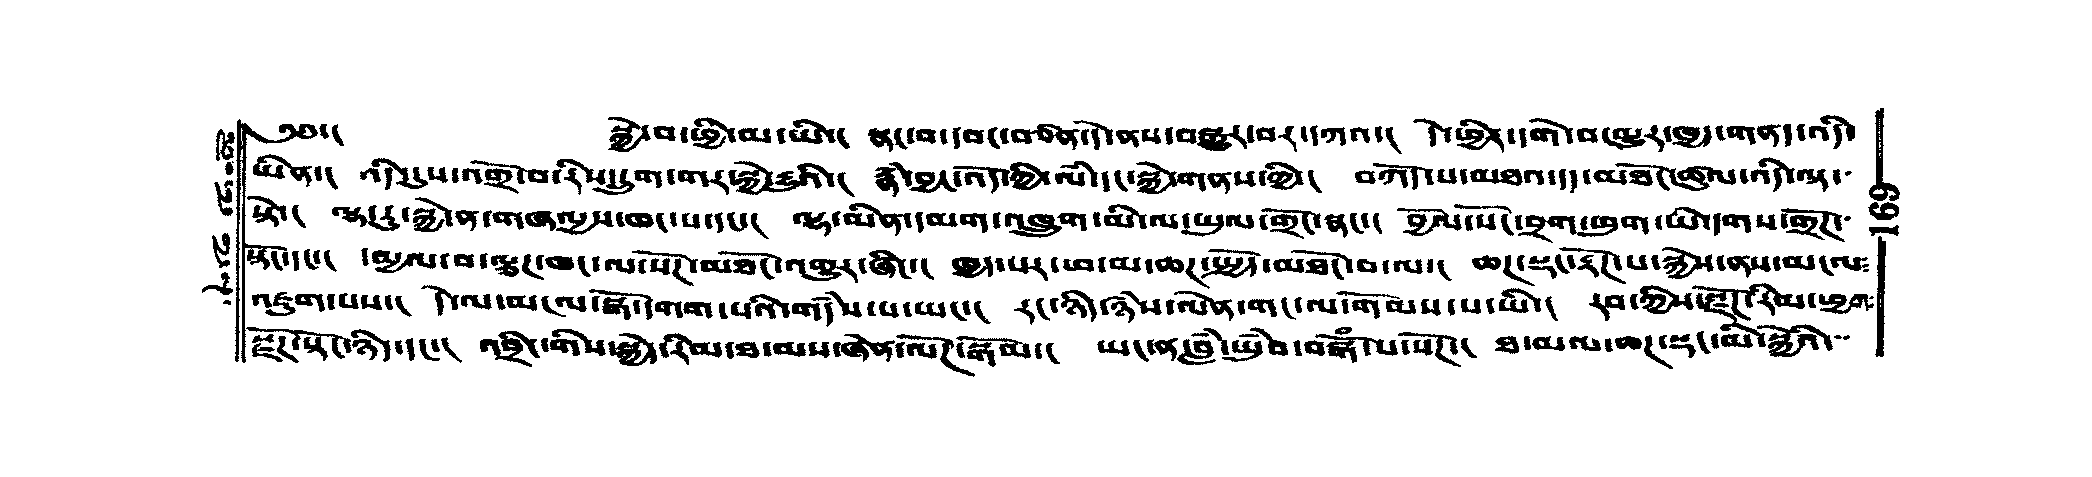སྐྱེ་བ་ཕྱི་མ་ཡི། །སྣང་བ་དབང་བཙན་དེ་ནས་བསྒྱུར་བར་དཀའ། །དེ་ཕྱིར་དགེ་བ་མྱུར་ཁྱད་གནད་འདི་
ཡིན། །འདི་དུས་འགྲོ་བ་རིགས་དྲུག་གར་སྐྱེ་རྒྱུའི། །རྣམ་བྱང་འོད་ཀྱི་ལམ་དང་སྐྱེ་གནས་ཀྱི། །བཀོད་པ་ཐ་དད་མཐོང་ཚུལ་འདི་ལྟ་
སྟེ། །ལྷ་རུ་སྐྱེ་ན་གཞལ་ཡས་ཁང་པ་དང་། །ལྷ་མིན་དམག་འཁྲུག་མི་ལ་ཡུལ་གྲོང་སྣང། །བྱོལ་སོང་བྲག་ཕུག་ཡི་དྭགས་གྲོག་
སྟོང་དང་། །དམྱལ་བ་ལྕགས་ཁང་ལ་སོགས་མཐོང་འགྱུར་ཞིང་། །ཁྱད་པར་ཕ་མ་ཆགས་སྤྱོད་མཐོང་བ་ལ། །ཆགས་སྡང་རྟོག་པ་སྐྱེས་ནས་མངལ་
འཇུག་པས། །དེ་ལ་མངལ་སྒོ་དགག་པའི་གདམས་པ་ཡང་། །རང་ཉིད་ཉམས་ལེན་གང་ལ་གོམས་པ་ཡི། །རབ་ཀྱིས་རྫོགས་རིམ་ཕྱག་
རྫོགས་སྟོང་ཉིད་དང་། །འབྲིང་གིས་བསྐྱེད་རིམ་ཐ་མས་ཞེན་ལོག་སྒོམ། །ཡང་ན་བླ་མ་ཡབ་ཡུམ་བསྒོམ་པ་སོགས། །ཐ་མལ་ཆགས་སྡང་མི་སྐྱེའི་